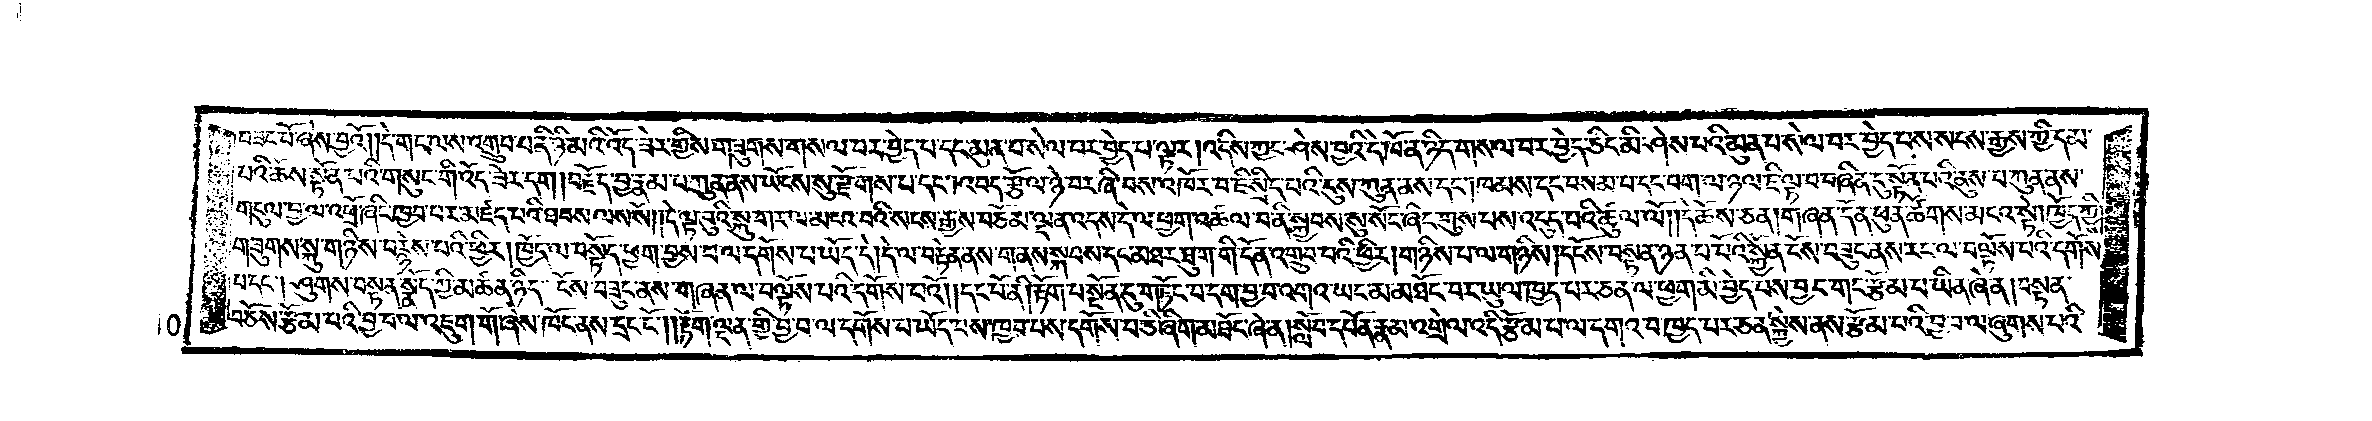བཟང་པོ་ཞེས་བྱའོ། །དེ་གང་ལས་འགྲུབ་པ་ནི་ཉི་མའི་འོད་ཟེར་གྱིས་གཟུགས་གསལ་བར་བྱེད་པ་དང་མུན་པ་སེལ་བར་བྱེད་པ་ལྟར། འདིས་ཀྱང་ཤེས་བྱའི་དེ་ཁོ་ན་ཉིད་གསལ་བར་བྱེད་ཅིང་མི་ཤེས་པའི་མུན་པ་སེལ་བར་བྱེད་པས་སངས་རྒྱས་ཀྱི་དམ་
པའི་ཆོས་སྟོན་པའི་གསུང་གི་འོད་ཟེར་དག །བརྗོད་བྱ་རྣམ་པ་ཀུན་ནས་ཡོངས་སུ་རྫོགས་པ་དང་། འབད་རྩོལ་ཉེ་བར་ཞི་བས་འཁོར་བ་ཇི་སྲིད་པའི་དུས་ཀུན་ནས་དང་། ཁམས་དང་བསམ་པ་དང་བག་ལ་ཉལ་ཇི་ལྟ་བ་བཞིན་དུ་སྟོན་པའི་ནུས་པ་ཀུན་ནས་
གདུལ་བྱ་ལ་འཕྲོ་ཞིང་ཁྱབ་པར་མཛད་པའི་ཐབས་ལས་སོ། །དེ་ལྟ་བུའི་སྐུ་གར་ལ་མངའ་བའི་སངས་རྒྱས་བཅོམ་ལྡན་འདས་དེ་ལ་ཕྱག་འཚལ་བ་ནི་སྐྱབས་སུ་སོང་ཞིང་གུས་པས་འདུད་པའི་ཚུལ་ལོ། །དེ་ཆོས་ཅན། གཞན་དོན་ཕུན་ཚོགས་མངའ་སྟེ། ཁྱོད་གྱིས་
གཟུགས་སྐུ་གཉིས་བརྙེས་པའི་ཕྱིར། ཁྱོད་ལ་བསྟོད་ཕྱག་བྱས་པ་ལ་དགོས་པ་ཡོད་དེ། དེ་ལ་བརྟེན་ནས་གནས་སྐབས་དང་མཐར་ཐུག་གི་དོན་འགྲུབ་པའི་ཕྱིར། གཉིས་པ་ལ་གཉིས། དངོས་བསྟན་ཉན་པ་པོའི་སྐྱོན་ངོས་བཟུང་ནས་རང་ལ་བལྟོས་པའི་དགོས་
པ་དང་། ཤུགས་བསྟན་སྣོད་ཀྱི་མཚན་ཉིད་ངོས་བཟུང་ནས་གཞན་ལ་བལྟོས་པའི་དགོས་པའོ། །དང་པོ་ནི། རྟོག་པ་སྔོན་དུ་གཏོང་བ་དག་བྱ་བ་འགའ་ཡང་མ་མཐོང་བར་ཡུལ་ཁྱད་པར་ཅན་ལ་ཕྱག་མི་བྱེད་པས་བྱང་གང་རྩོམ་པ་ཡིན་ཞེ་ན། བསྟན་
བཅོས་རྩོམ་པའི་བྱ་བ་ལ་འཇུག་གོ་ཞེས་ཁོང་ནས་དྲང་ངོ། །རྟོག་ལྡན་གྱི་བྱ་བ་ལ་དགོས་པ་ཡོད་པས་ཁྱབ་པས་དགོས་པ་ཅི་ཞིག་མཐོང་ཞེ་ན། སློབ་དཔོན་རྣམ་འགྲེལ་འདི་རྩོམ་པ་ལ་དགའ་བ་ཁྱད་པར་ཅན་སྐྱེས་ནས་རྩོམ་པའི་བྱ་བ་ལ་ཞུགས་པའི་